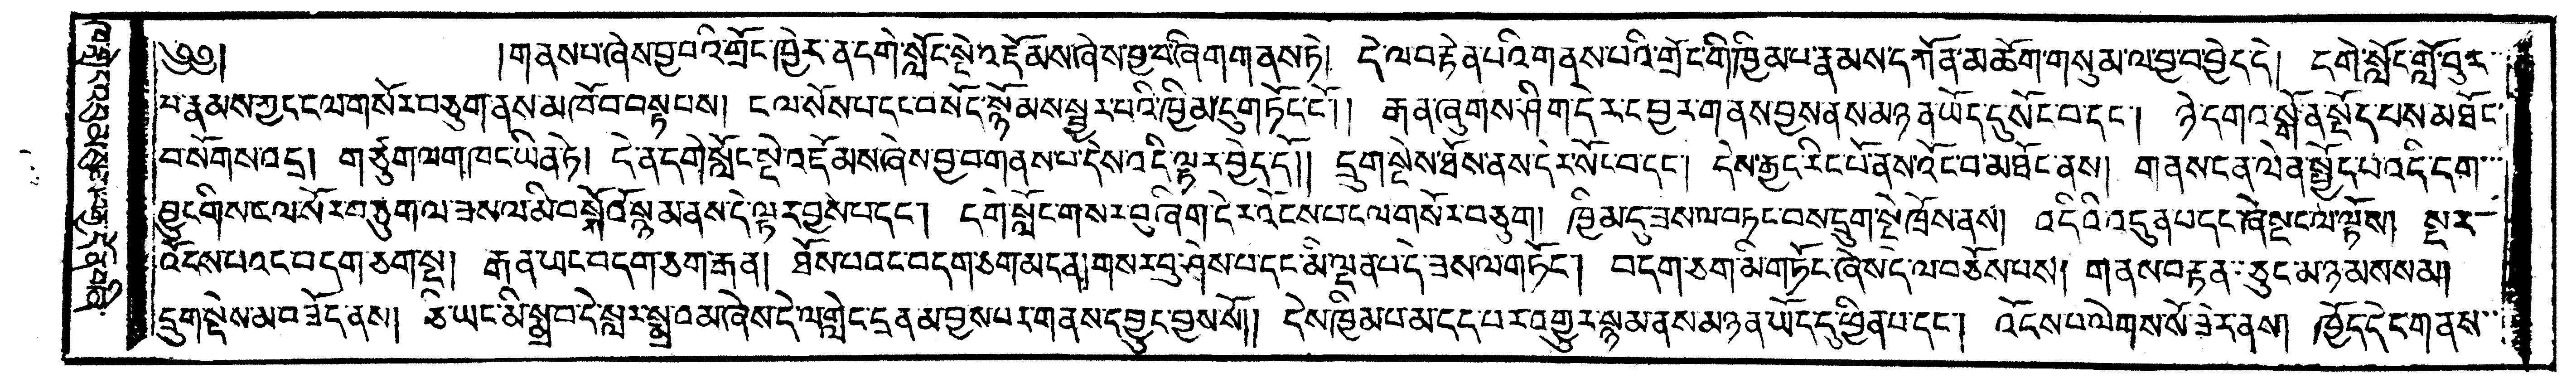༄༅། །གནས་པ་ཞེས་བྱ་བའི་གྲོང་ཁྱེར་ན་དགེ་སློང་སྡེ་འཇོམས་ཞེས་བྱ་བ་ཞིག་གནས་ཏེ། དེ་ལ་བརྟེན་པའི་གནས་པའི་གྲོང་གི་ཁྱིམ་པ་རྣམས་དཀོན་མཆོག་གསུམ་ལ་བྱ་བ་བྱེད་དེ། དགེ་སློང་གློ་བུར་
པ་རྣམས་ཀྱང་ངལ་གསོར་བཅུག་ནས་མཁོ་བ་བསྟབས། ངལ་སོས་པ་དང་བསོད་སྙོམས་སྦྱར་བའི་ཁྱིམ་དུ་གཏོང་ངོ།། རྒན་ཞུགས་ཤིག་དེར་དབྱར་གནས་བྱས་ནས་མཉན་ཡོད་དུ་སོང་བ་དང་། ཉེ་དགའ་སྒོ་ན་སྡོད་པས་མཐོང་
བ་སོགས་འདྲ། གཙུག་ལག་ཁང་ཡིན་ཏེ། དེ་ན་དགེ་སློང་སྡེ་འཇོམས་ཞེས་བྱ་བ་གནས་པ་དེས་འདི་ལྟར་བྱེད་དོ།། དྲུག་སྡེས་ཐོས་ནས་དེར་སོང་བ་དང་། དེས་རྒྱང་རིང་པོ་ནས་འོང་བ་མཐོང་ནས། གནས་ངན་ལེན་སྤྱོད་པ་འདི་དག་
བྱུང་གིས་ངལ་སོར་བཅུག་ལ་ཟས་ལ་མི་བསྐོའོ་སྙམ་ནས་དེ་ལྟར་བྱས་པ་དང་། དགེ་སློང་གསར་བུ་ཞིག་དེར་འོངས་པ་ངལ་གསོར་བཅུག། ཁྱིམ་དུ་ཟས་ལ་བཏང་བས་དྲུག་སྡེ་ཁྲོས་ནས། འདིའི་འདུན་པ་དང་ཞེ་སྡང་ལ་ལྟོས། སྔར་
འོངས་པའང་བདག་ཅག་སྔ། རྒན་ཡང་བདག་ཅག་རྒན། ཐོས་པའང་བདག་ཅག་མང་ན། གསར་བུ་ཤེས་པ་དང་མི་ལྡན་པ་དེ་ཟས་ལ་གཏོང་། བདག་ཅག་མི་གཏོང་ཞེས་དེ་ལ་བཅོས་པས། གནས་བརྟན༑ ཅུང་མ་ཉམས་སམ།
དྲུག་སྡེས་མ་བཟོད་ནས། ཅི་ཡང་མི་སྨྲ་བ་དེ་སླར་སྨྲའམ་ཞེས་དེ་ལ་གླེང་དྲན་མ་བྱས་པར་གནས་དབྱུང་བྱས་སོ།། དེས་ཁྱིམ་པ་མ་དད་པར་འགྱུར་སྙམ་ནས་མཉན་ཡོད་དུ་ཕྱིན་པ་དང་། འོངས་པ་ལེགས་སོ་ཟེར་ནས། ཁྱོད་དེ་དག་ནས་